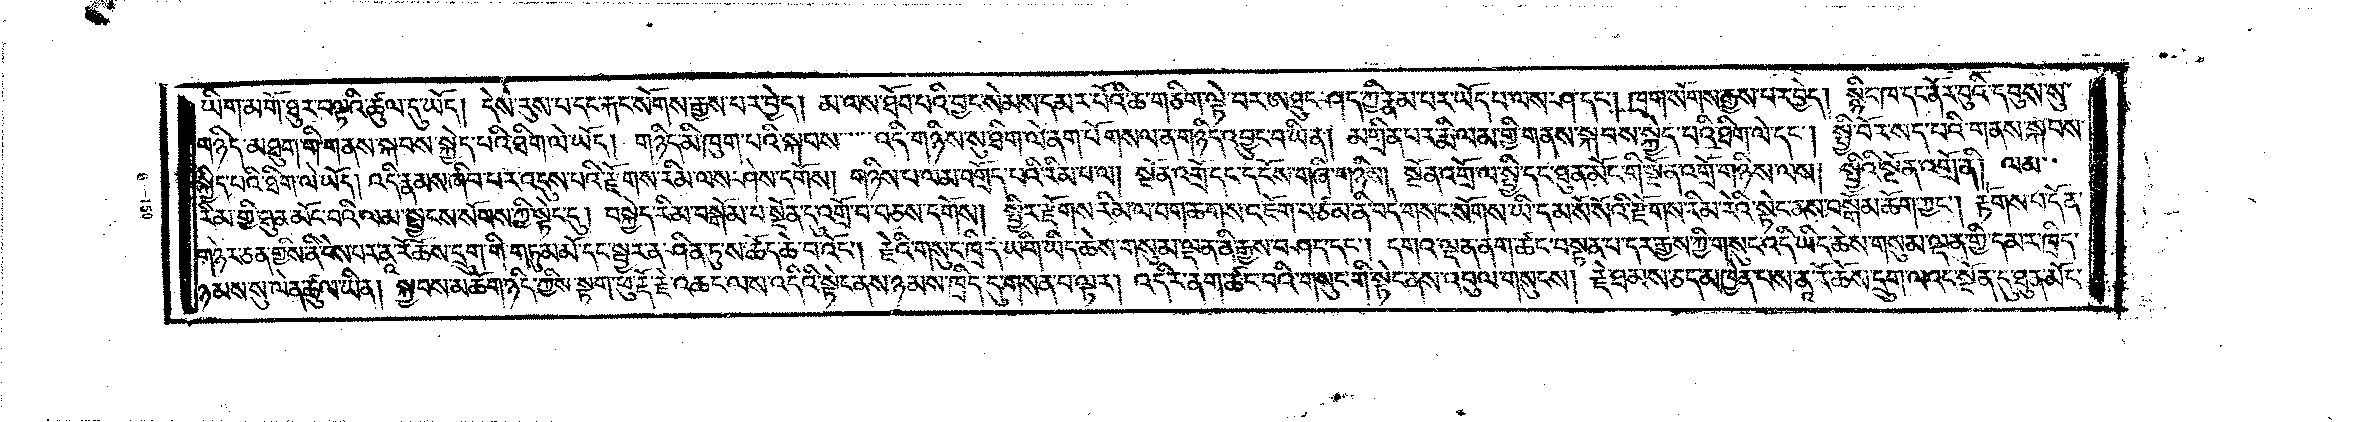ཡིག་མགོ་ཐུར་བལྟའི་ཚུལ་དུ་ཡོད། དེས་རུས་པ་དང་རྐང་སོགས་རྒྱས་པར་བྱེད། མ་ལས་ཐོབ་པའི་བྱང་སེམས་དམར་པོའི་ཆ་གཅིག་ལྟེ་བར་ཨ་ཐུང་ཤད་ཀྱི་རྣམ་པར་ཡོད་པ་ལས་ཤ་དང་། ཁྲག་སོགས་རྒྱས་པར་བྱེད། སྙིང་ཁ་དང་ནོར་བུའི་དབུས་སུ་
གཉིད་མཐུག་གི་གནས་སྐབས་སྐྱེད་པའི་ཐིག་ལེ་ཡོད། གཉིད་མི་ཁུག་པའི་སྐབས་འདི་གཉིས་སུ་ཐིག་ལེ་ནག་པོ་གསལ་ན་གཉིད་འབྱུང་བ་ཡིན། མགྲིན་པར་རྨི་ལམ་གྱི་གནས་སྐབས་སྐྱེད་པའི་ཐིག་ལེ་དང་། སྤྱི་བོར་སད་པའི་གནས་སྐབས་
སྐྱིད་པའི་ཐིག་ལེ་ཡོད། འདི་རྣམས་ཞིབ་པར་འདུས་པའི་རྫོགས་རིམ་ལས་ཤེས་དགོས། གཉིས་པ་ལམ་བགྲོད་པའི་རིམ་པ་ལ། སྔོན་འགྲོ་དང་དངོས་གཞི་གཉིས། སྔོན་འགྲོ་ལ་སྤྱི་དང་ཐུན་མོང་གི་སྔོན་འགྲོ་གཉིས་ལས། སྤྱིའི་སྔོན་འགྲོ་ནི། ལམ་
རིམ་གྱི་ཐུན་མོང་བའི་ལམ་སྦྱངས་སོགས་ཀྱི་སྟེང་དུ། བསྐྱེད་རིམ་བསྒོམ་པ་སྔོན་དུ་འགྲོ་བ་བཅས་དགོས། སྤྱིར་རྫོགས་རིམ་ལ་བག་ཆགས་འཇོག་པ་ཙམ་ནི་བདེ་གསང་སོགས་ཡི་དམ་སོ་སོའི་རྫོགས་རིམ་རེའི་སྟེང་ནས་བསྒོམ་ཆོག་ཀྱང་། རྟོགས་པ་དོན་
གཉེར་ཅན་གྱིས་ནི་ངེས་པར་ནཱ་རོ་ཆོས་དྲུག་གི་གཏུམ་མོ་དང་སྦྱར་ན་ཤིན་ཏུ་ས་ཆོད་ཆེ་བ་འོང་། རྗེའི་གསུང་ཁྲིད་ཡིག་ཡིད་ཆེས་གསུམ་ལྡན་ནི་རྒྱས་བཤད་དང་། དགའ་ལྡན་ནག་ཚང་བསྟན་པ་དར་རྒྱས་ཀྱི་གསུང་འདི་ཡིད་ཆེས་གསུམ་ལྡན་གྱི་དམར་ཁྲིད་
ཉམས་སུ་ལེན་ཚུལ་ཡིན། སྐྱབས་མཆོག་ཉིད་ཀྱིས་སྟག་ཕུ་རྡོ་རྗེ་འཆང་ལས་འདིའི་སྟེང་ནས་ཉམས་ཁྲིད་དུ་གསན་པ་ལྟར། འདིར་ནག་ཚང་བའི་གསུང་གི་སྟེང་ནས་འབུལ་གསུངས། རྗེ་ཐམས་ཅད་མཁྱེན་པས་ནཱ་རོ་ཆོས་དྲུག་ལའང་སྔོན་དུ་ཐུན་མོན་